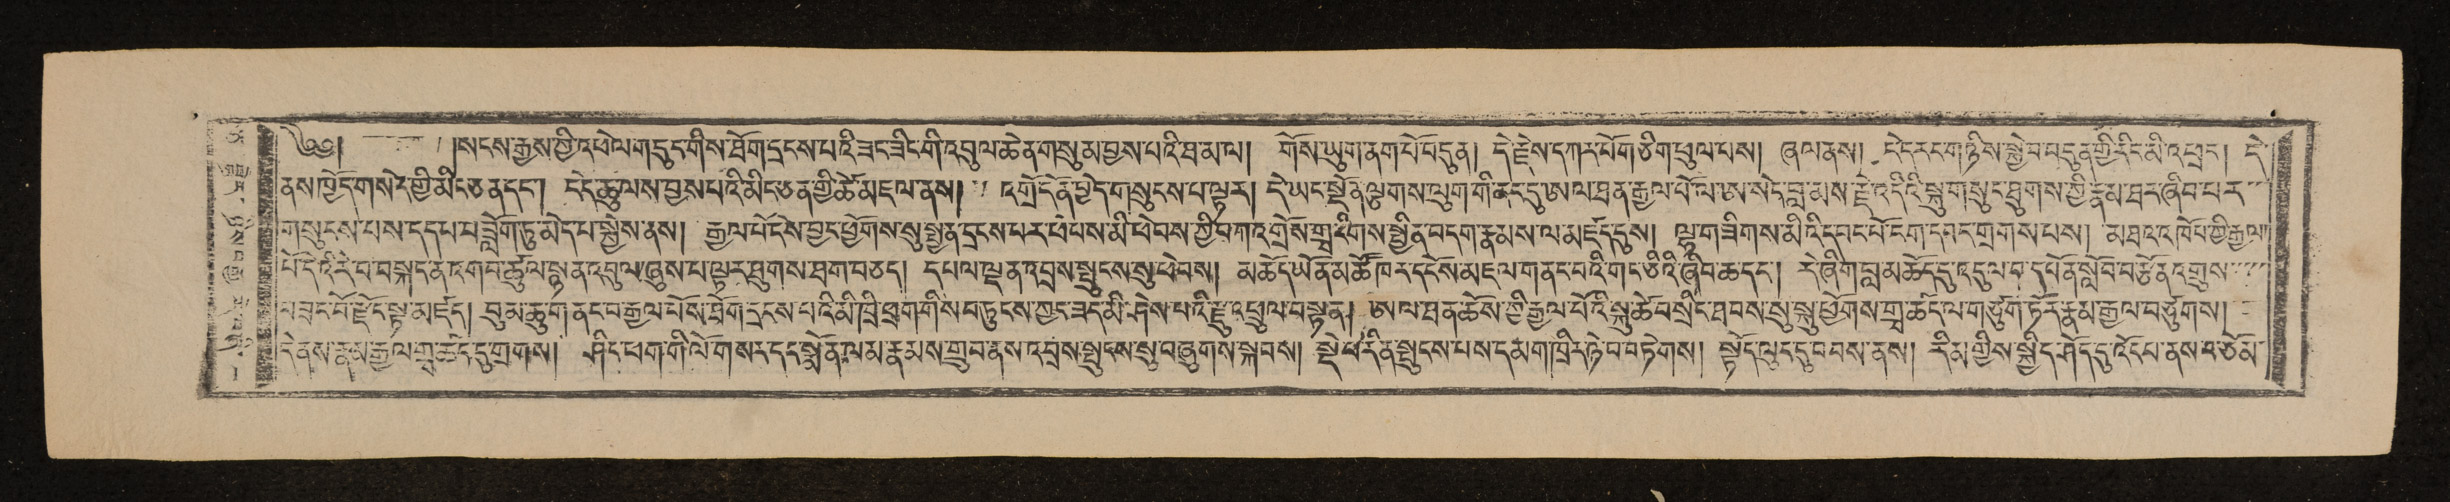༄༅། །སངས་རྒྱས་ཀྱི་འཕེལ་གདུང་གིས་ཐོག་དྲངས་བའི་ཟང་ཟིང་གི་འབུལ་ཆེན་གསུམ་བྱས་པའི་ཐ་མ་ལ། གོས་ཡུག་ནག་པོ་བདུན། དེ་རྗེས་དཀར་པོ་གཅིག་ཕུལ་བས། ཞལ་ནས། ངེད་རང་གཉིས་སྐྱེ་བ་བདུན་གྱི་རིང་མི་འཕྲད། དེ་
ནས་ཁྱོད་གསེར་གྱི་མིང་ཅན་དང་། ངེད་ཆུ་ལས་བྱས་པའི་མིང་ཅན་གྱི་ཚེ་མཇལ་ནས། འགྲོ་དོན་བྱེད་གསུངས་པ་ལྟར། དེ་ཡང་སྔོན་ལྕགས་ལུག་གི་ནང་དུ་ཨལ་ཐན་རྒྱལ་པོ་ལ་ཨ་སེང་བླ་མས་རྗེ་འདིའི་སྐུ་གསུང་ཐུགས་ཀྱི་རྣམ་ཐར་ཞིབ་པར་
གསུངས་པས་དད་པ་བཟློག་ཏུ་མེད་པ་སྐྱེས་ནས། རྒྱལ་པོ་དེས་བྱང་ཕྱོགས་སུ་སྤྱན་དྲངས་པར་ཕེབས་མི་ཕེབས་ཀྱི་བཀའ་གྲོས་གྲྭ་རིགས་སྦྱིན་བདག་རྣམས་ལ་མཛད་དུས། ལྷ་གཟིགས་མིའི་དབང་པོ་ངག་དབང་གྲགས་པས། མཐའ་འཁོབ་ཀྱི་རྒྱལ་
པོ་དེའི་རེ་བ་བསྐང་ན་འགབ་ཚུལ་སྙན་འབུལ་ཞུས་པ་ལྟར་ཐུགས་ཐག་བཅད། དཔལ་ལྡན་འབྲས་སྤུངས་སུ་ཕེབས། མཆོད་ཡོན་མཚོ་ཁར་དངོས་མཇལ་གནང་བའི་གང་ཅིའི་ཞིབ་ཆ་དང་། རེ་ཞིག་བླ་མཆོད་དུ་འདུལ་བ་དཔོན་སློབ་བརྩོན་འགྲུས་
བཟང་པོ་རྫོང་སྟ་མཛད། བུམ་ཆུ་གནང་བ་རྒྱལ་པོས་ཐོག་དྲངས་པའི་མི་ཁྲི་ཕྲག་གིས་བཏུངས་ཀྱང་ཟད་མི་ཤེས་པའི་རྫུ་འཕྲུལ་བསྟན། ཨལ་ཐན་ཆོས་ཀྱི་རྒྱལ་པོའི་སྐུ་ཚེ་བསྲིང་ཐབས་སུ་སྐུ་ཕྱོགས་གྲྭ་ཚང་ལ་གཙུག་ཏོར་རྣམ་རྒྱལ་བཙུགས།
དེ་ནས་རྣམ་རྒྱལ་གྲྭ་ཚང་དུ་གྲགས། ཤིང་ཕག་གི་ལོ་གསར་དང་སྨོན་ལམ་རྣམས་གྲུབ་ནས་འབྲས་སྤུངས་སུ་བཞུགས་སྐབས། སྡེ་པ་རིན་སྤུངས་པས་དམག་ཁྲིར་ཉེ་བ་བཏེགས། སྟོད་ལུང་དུ་བབས་ནས། རིམ་གྱིས་སྐྱིད་ཤོད་དུ་འོངས་ནས་བཅོམ་